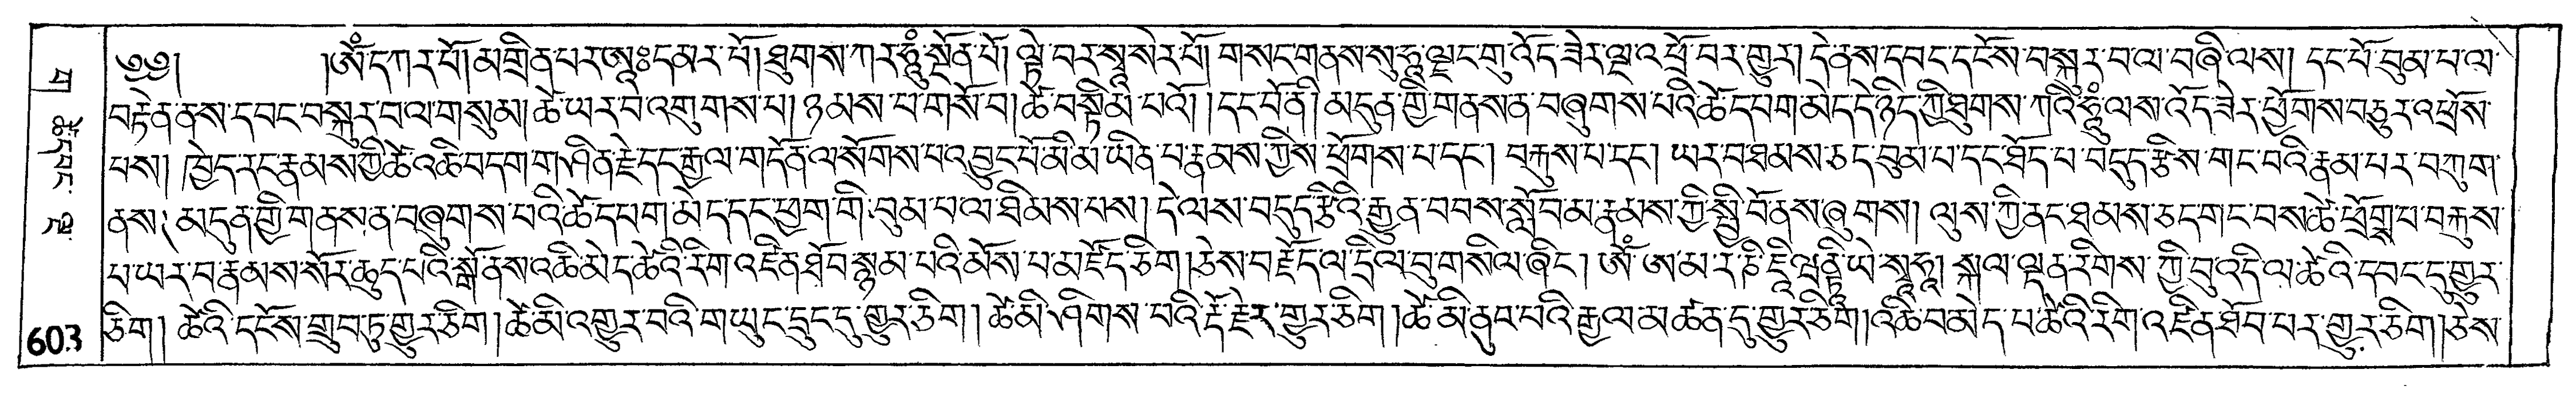༄༅། །ཨོཾ་དཀར་པོ། མགྲིན་པར་ཨཱཿ དམར་པོ། ཐུགས་ཀར་ཧཱུཾ་སྔོན་པོ། ལྟེ་བར་སྭཱ་སེར་པོ། གསང་གནས་སུ་ཧཱ་ལྗང་གུ་འོད་ཟེར་ལྔ་འཕྲོ་བར་གྱུར། དེ་ནས་དབང་དངོས་བསྐུར་བ་ལ་བཞི་ལས། དང་པོ་བུམ་པ་ལ་
བརྟེན་ནས་དབང་བསྐུར་བ་ལ་གསུམ། ཚེ་ཡར་བ་འགུགས་པ། ཉམས་པ་གསོ་བ། ཚེ་བསྟིམ་པའོ། །དང་པོ་ནི། མདུན་གྱི་གནས་ན་བཞུགས་པའི་ཚེ་དཔག་མེད་དེ་ཉིད་ཀྱི་ཐུགས་ཀའི་ཧཱུཾ་ལས་འོད་ཟེར་ཕྱོགས་བཅུར་འཕྲོས་
པས། ཁྱེད་རང་རྣམས་ཀྱི་ཚེ་འཆི་བདག་གཤིན་རྗེ་དང་རྒྱལ་གདོན་ལ་སོགས་པ་འབྱུང་པོ་མི་མ་ཡིན་པ་རྣམས་ཀྱིས་ཕྲོགས་པ་དང་། བརྐུས་པ་དང་། ཡར་བ་ཐམས་ཅད་བུམ་པ་དང་ཐོད་པ་བདུད་རྩིས་གང་བའི་རྣམ་པར་བཀུག་
ནས༑ མདུན་གྱི་གནས་ན་བཞུགས་པའི་ཚེ་དཔག་མེད་དང་ཕྱག་གི་བུམ་པ་ལ་ཐིམས་པས། དེ་ལས་བདུད་རྩིའི་རྒྱུན་བབས་སློབ་མ་རྣམས་ཀྱི་སྤྱི་བོ་ནས་ཞུགས། ལུས་ཀྱི་ནང་ཐམས་ཅད་གང་བས་ཚེ་ཕྲོགས་པ་བརྐུས་
པ་ཡར་བ་རྣམས་སོར་ཆུད་པའི་སྒོ་ནས་འཆི་མེད་ཚེའི་རིག་འཛིན་ཐོབ་སྙམ་པའི་མོས་པ་མཛོད་ཅིག །ཅེས་བརྗོད་ལ་དྲིལ་བུ་གསིལ་ཞིང་། ཨོཾ་ཨ་མ་ར་ཎི་ཇཱི་ཝནྟཱི་ཡེ་སྭཱ་ཧཱ། སྐལ་ལྡན་རིགས་ཀྱི་བུ་འདི་ལ་ཚེའི་དབང་དུ་གྱུར་
ཅིག །ཚེའི་དངོས་གྲུབ་ཏུ་གྱུར་ཅིག །ཚེ་མི་འགྱུར་བའི་གཡུང་དྲུང་དུ་གྱུར་ཅིག །ཚེ་མི་ཤིགས་པའི་རྡོ་རྗེར་གྱུར་ཅིག །ཚེ་མི་ནུབ་པའི་རྒྱལ་མཚན་དུ་གྱུར་ཅིག །འཆི་བ་མེད་པ་ཚེའི་རིག་འཛིན་ཐོབ་པར་གྱུར་ཅིག །ཅེས་